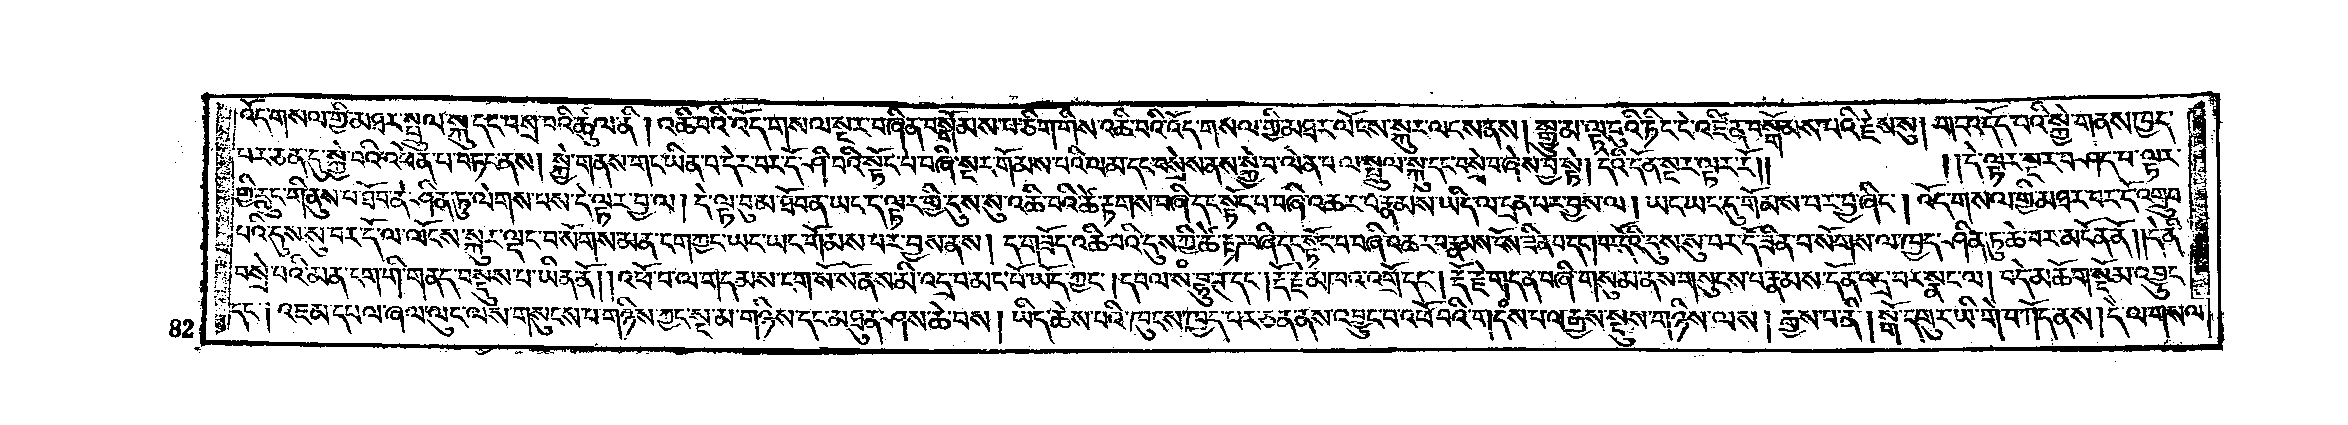འོད་གསལ་གྱི་མཐར་སྤྲུལ་སྐུ་དང་བསྲེ་བའི་ཚུལ་ནི། འཆི་བའི་འོད་གསལ་སྔར་བཞིན་བསྒོམས་པ་ཅིག་གིས་འཆི་བའི་འོད་གསལ་གྱི་མཐར་ལོངས་སྐུར་ལངས་ནས། སྒྱུ་མ་ལྟ་བུའི་ཏིང་ངེ་འཛིན་བསྒོམས་པའི་རྗེས་སུ། གང་འདོད་པའི་སྐྱེ་གནས་ཁྱད་
པར་ཅན་དུ་སྐྱེ་བའི་འཕེན་པ་བཏང་ནས། སྐྱེ་གནས་གང་ཡིན་པ་དེར་བར་དོ་ཤི་བའི་སྟོང་པ་བཞི་སྔར་གོམས་པའི་ལམ་དང་བསྲེས་ནས་སྐྱེ་བ་ལེན་པ་ལ་སྤྲུལ་སྐུ་དང་བསྲེ་བཞེས་བྱ་སྟེ། དེའི་དོན་སྔར་ལྟར་རོ།། །།དེ་ལྟར་སྔར་བཤད་པ་ལྟར་
གྱི་རླུང་གི་ནུས་པ་ཐོབ་ན་ཤིན་ཏུ་ལེགས་པས་དེ་ལྟར་བྱ་ལ། དེ་ལྟ་བུ་མ་ཐོབ་ན་ཡང་དེ་ལྟར་གྱི་དུས་སུ་འཆི་བའི་ཚེ་རྟགས་བཞི་དང་སྟོང་པ་བཞི་འཆར་པ་རྣམས་ཡིད་ལ་དྲན་པར་བྱས་ལ། ཡང་ཡང་དུ་གོམས་པར་བྱ་ཞིང་། འོད་གསལ་གྱི་མཐར་བར་དོ་འགྲུབ་
པའི་དུས་སུ་བར་དོ་ལ་ལོངས་སྐུར་ལྡང་བ་སོགས་མན་ངག་ཀྱང་ཡང་ཡང་གོམས་པར་བྱས་ནས། ད་གཟོད་འཆི་བའི་དུས་ཀྱི་ཚེ་རྟགས་བཞི་དང་སྟོང་པ་བཞི་འཆར་བ་རྣམས་ངོས་ཟིན་པ་དང་། བར་དོའི་དུས་སུ་བར་དོ་ཟིན་པ་སོགས་ལ་ཁྱད་ཤིན་ཏུ་ཆེ་བར་མངོན་ནོ། །དེ་ནི་
བསྲེ་བའི་མན་ངག་གི་གནད་བསྡུས་པ་ཡིན་ནོ། །འཕོ་བ་ལ་གདམས་ངག་སོ་སོ་ནས་མི་འདྲ་བ་མང་པོ་ཡོད་ཀྱང་། དཔལ་སཾ་བྷུ་ཊ་དང་། རྡོ་རྗེ་མཁའ་འགྲོ་དང་། རྡོ་རྗེ་གདན་བཞི་གསུམ་ནས་གསུངས་པ་རྣམས་དོན་འདྲ་བར་སྣང་ལ། བདེ་མཆོག་སྡོམ་འབྱུང་
དང་། འཇམ་དཔལ་ཞལ་ལུང་ལས་གསུངས་པ་གཉིས་ཀྱང་སྔ་མ་གཉིས་དང་མཐུན་ཤས་ཆེ་བས། ཡིད་ཆེས་པའི་ཁུངས་ཁྱད་པར་ཅན་ནས་འབྱུང་བ་འཕོ་བའི་གདམས་པ་ལ་རྒྱས་སྡུས་གཉིས་ལས། རྒྱས་པ་ནི། སྒོ་དགུར་ཡི་གེ་བཀོད་ནས། དེ་ལ་གསལ་